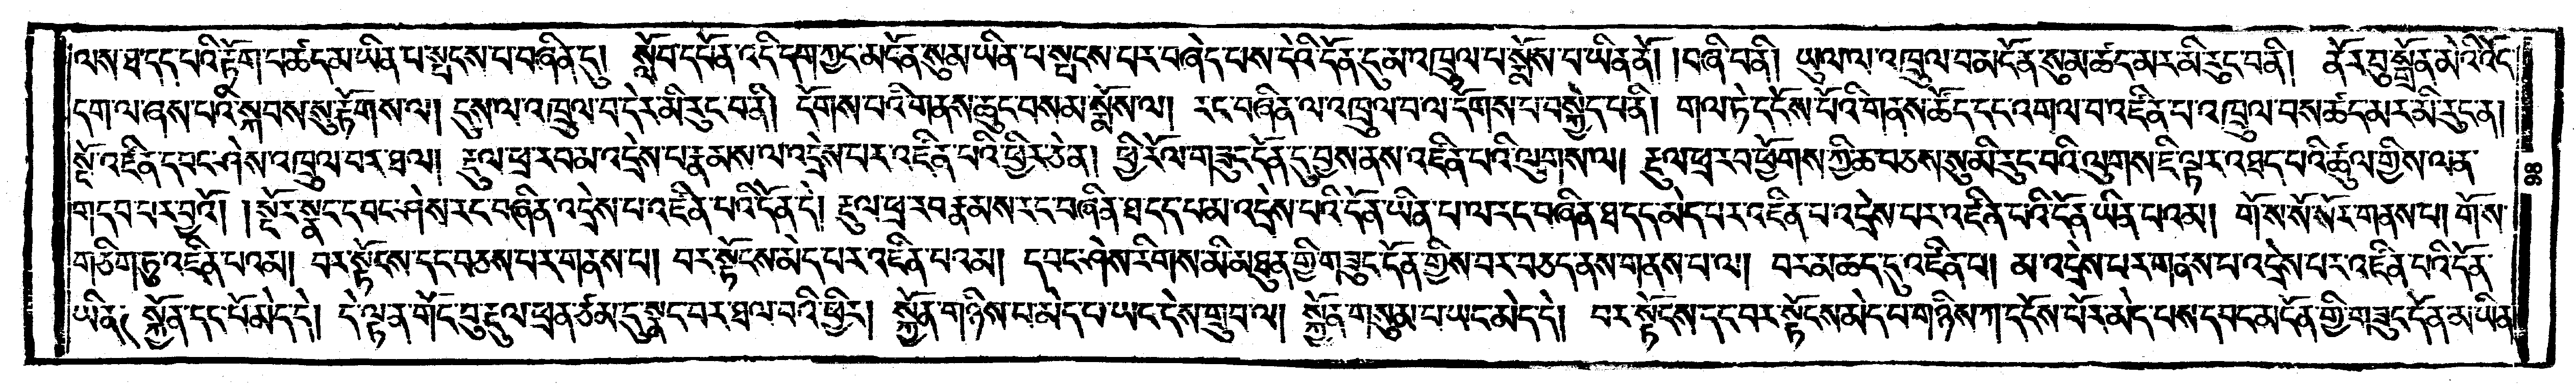ལས་ཐ་དད་པའི་རྟོག་པ་ཚད་མ་ཡིན་པ་སྤངས་པ་བཞིན་དུ། སློབ་དཔོན་འདི་དག་ཀྱང་མངོན་སུམ་ཡིན་པ་སྤངས་པར་བཞེད་པས་དེའི་དོན་དུ་མ་འཁྲུལ་པ་སྨོས་པ་ཡིན་ནོ། །བཞི་པ་ནི། ཡུལ་ལ་འཁྲུལ་བ་མངོན་སུམ་ཚད་མར་མི་རུང་བ་ནི། ནོར་བུ་སྒྲོན་མེའི་འོད་
དག་ལ་ཞས་པའི་སྐབས་སུ་རྟོགས་ལ། དུས་ལ་འཁྲུལ་བ་དེར་མི་རུང་བ་ནི། དོགས་པའི་གནས་ཆུང་བས་མ་སྨོས་ལ། རང་བཞིན་ལ་འཁྲུལ་བ་ལ་དོགས་པ་བསྐྱེད་པ་ནི། གལ་ཏེ་དངོས་པོའི་གནས་ཚོད་དང་འགལ་བ་འཛིན་པ་འཁྲུལ་བས་ཚད་མར་མི་རུང་ན།
སྔོ་འཛིན་དབང་ཤེས་འཁྲུལ་བར་ཐལ། རྡུལ་ཕྲ་རབ་མ་འདྲེས་པ་རྣམས་ལ་འདྲེས་པར་འཛིན་པའི་ཕྱིར་ཅེ་ན། ཕྱི་རོལ་གཟུང་དོན་དུ་བྱས་ནས་འཛིན་པའི་ལུགས་ལ། རྡུལ་ཕྲ་རབ་ཕྱོགས་ཀྱི་ཆ་བཅས་སུ་མི་རུང་བའི་ལུགས་ཇི་ལྟར་འཐད་པའི་ཚུལ་གྱིས་ལན་
གདབ་པར་བྱའོ། །སྔོར་སྣང་དབང་ཤེས་རང་བཞིན་འདྲེས་པ་འཛིན་པའི་དོན་དེ། རྡུལ་ཕྲ་རབ་རྣམས་རང་བཞིན་ཐ་དད་པ་མ་འདྲེས་པའི་དོན་ཡིན་པ་ལ་རང་བཞིན་ཐ་དད་མེད་པར་འཛིན་པ་འདྲེས་པར་འཛིན་པའི་དོན་ཡིན་པའམ། གོ་ས་སོ་སོར་གནས་པ། གོ་ས་
གཅིག་ཏུ་འཛིན་པའམ། བར་སྟོངས་དང་བཅས་པར་གནས་པ། བར་སྟོངས་མེད་པར་འཛིན་པའམ། དབང་ཤེས་རིགས་མི་མཐུན་གྱི་གཟུང་དོན་གྱིས་བར་བཅད་ནས་གནས་པ་ལ། བར་མ་ཆད་དུ་འཛིན་པ། མ་འདྲེས་པར་གནས་པ་འདྲེས་པར་འཛིན་པའི་དོན་
ཡིན། སྐྱོན་དང་པོ་མེད་དེ། དེ་ལྟ་ན་གོང་བུ་རྡུལ་ཕྲན་ཙམ་དུ་སྣང་བར་ཐལ་བའི་ཕྱིར། སྐྱོན་གཉིས་པ་མེད་པ་ཡང་དེས་གྲུབ་ལ། སྐྱོན་གསུམ་པ་ཡང་མེད་དེ། བར་སྟོངས་དང་བར་སྟོངས་མེད་པ་གཉིས་ཀ་དངོས་པོར་མེད་པས་དབང་མངོན་གྱི་གཟུང་དོན་མ་ཡིན་